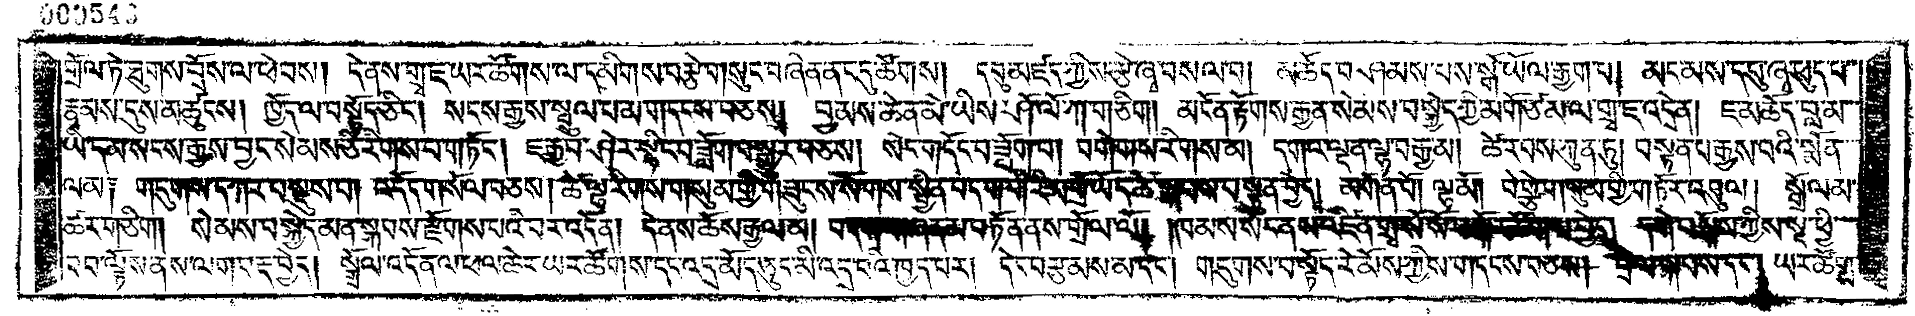གྲོལ་ཏེ་ཐུགས་བྲོས་ལ་ཕེབས། དེ་ནས་གྲྭ་ཇ་ཡར་ཚོགས་ལ་དམིགས་བརྩེ་གསུང་བཞིན་ནང་དུ་ཚོགས། དབུ་མཛད་ཀྱིས་རྩེ་ཞྭ་བསལ་བ། མཆོད་བཤམས་པས་སྒོ་ཡོལ་རྒྱག་པ། མང་མས་དབུ་ཞྭ་ཕུད་པ་
རྣམས་དུས་མཚུངས། ཁྱོད་ལ་བསྟོད་ཅིང་། སངས་རྒྱས་སྤྲུལ་པ་མ་གདངས་བཅས། བྱམས་ཆེན་མེ་ཡིས་ཤོ་ལོ་ཀ་གཅིག །མངོན་རྟོགས་རྒྱན་སེམས་བསྐྱེད་ཀྱི་མགོ་ཙམ་ལ་གྲྭ་ཇ་འདྲེན། ཇ་མཆོད་བླ་མ་
ཡི་དམ་སངས་རྒྱས་བྱང་སེམས་ཅི་རིགས་པ་གཏོང་། ཇ་རྒྱབ་ཤེར་སྙིང་བཟློག་བསྒྱུར་བཅས། སེང་གདོང་བཟློག་པ། བགེགས་རིགས་མ། དགའ་ལྡན་ལྷ་བརྒྱ་མ། ཚེ་རབས་ཀུན་ཏུ། བསྟན་པ་རྒྱས་པའི་སྨོན་
ལམ༑ གདུགས་དཀར་བསྡུས་པ། འདོད་གསོལ་བཅས། ཚེ་ལྷ་རིགས་གསུམ་གྱི་གཟུངས་སོགས་སྦྱིན་བདག་གི་རིམ་གྲོ་ཡོད་ཚེ་སྐབས་བསྟུན་བྱེད། མགོན་པོ། ལྷ་མོ། བེགཙེ་གསུམ་གྱི་གཏོར་འབུལ། སྒྲོལ་མ་
ཚར་གཅིག །སེམས་བསྐྱེད་མན་སྐབས་རྫོགས་པའི་བར་འདོན། དེ་ནས་ཆོས་རྒྱལ་མ། བདག་གཞན་མ་བཏོན་ནས་གྲོལ་ལོ། །ཁམས་སེང་ནས་འཛིན་གྲྭ་སོ་སོ་བསྐོར་ཚོགས་བྱེད། དགེ་བསྐོས་ཀྱིས་སྔ་ཕྱི་
བབ་ལྟོས་ནས་ལག་བརྡ་བྱེད། སྒྲོལ་འདོན་ལ་ཕལ་ཆེར་ཡར་ཚོགས་དང་འདྲ་མོད་ཅུང་མི་འདྲ་བའི་ཁྱད་པར། དེང་བརྩམས་མ་དང་། གདུགས་བསྟོད་རེ་མོས་ཀྱིས་གདངས་བཅས། བྲེལ་སྐབས་དང་། ཡར་ཚོགས་